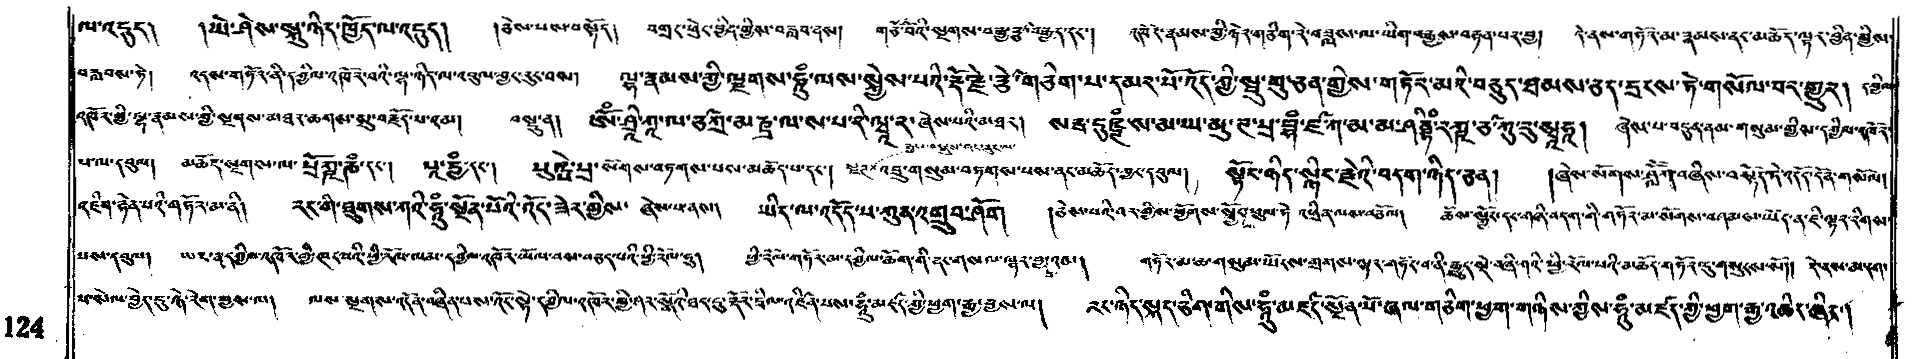ལ་འདུད། །ཡེ་ཤེས་སྐུ་ཉིད་ཁྱོད་ལ་འདུད། །ཅེས་པས་བསྟོད། བགྲང་ཕྲེང་བྱིན་གྱིས་བརླབ་ནས། གཙོ་བོའི་སྔགས་བརྒྱ་རྩེ་བརྒྱད་དང་། འཁོར་རྣམས་ཀྱི་ཉེར་གཅིག་རེ་བཟླས་ལ་ཡིག་བརྒྱད་བརྟན་པར་བྱ། དེ་ནས་གཏོར་མ་རྣམས་ནང་མཆོད་ལྟར་བྱིན་གྱིས་
བརླབས་ཏེ། འདས་གཏོར་ནི་དཀྱིལ་འཁོར་བའི་ལྷ་ཉིད་ལ་འབུལ་ཀྱང་རུང་བས། ལྷ་རྣམས་ཀྱི་ལྗགས་ཧཱུཾ་ལས་སྐྱེས་པའི་རྡོ་རྗེ་རྩེ་གཅིག་པ་དམར་པོ་འོད་ཀྱི་སྦུ་གུ་ཅན་གྱིས་གཏོར་མའི་བཅུད་ཐམས་ཅད་དྲངས་ཏེ་གསོལ་བར་གྱུར། དཀྱིལ་
འཁོར་གྱི་ལྷ་རྣམས་ཀྱི་སྔགས་མཐར་ཆགས་སུ་བརྗོད་པའམ། བསྡུ་ན། ཨོཾ་ཤྲཱི་ཀཱ་ལ་ཙཀྲ་མཎྜལ་ལ་ས་པ་རི་ཝཱ་ར། ཞེས་པའི་མཐར།  སརྦ་དུཥྚཾ་ས་མ་ཡ་མུ་ཊ་པྲ་བྷཾ་ཛ་ཀ་མ་མ་ཤིནྟིཾ་རཀྵ་ཙ་ཀུ་རུ་སྭཱཧཱ། ཞེས་པ་བདུན་ནས་གསུམ་གྱིས་དཀྱིལ་འཁོར་
པ་ལ་དབུལ། མཆོད་སྔགས་ལ་པྲོཀྵ་ཎཾ་དང་།  པཱ་དྱཾ་དང་།  པུཥྤེ་པྲ་སོགས་བཏགས་པས་མཆོད་པ་དང་། སྔགས་རྒྱས་བསྡུས་གང་རུང་ལ་འབྲུ་གསུམ་བཏགས་པས་ནང་མཆོད་ཀྱང་དབུལ།  སྟོང་ཉིད་སྙིང་རྗེའི་བདག་ཉིད་ཅན། །ཞེས་སོགས་ཤླཽཀ་བཞིས་བསྟོད་ཏེ་འདོད་དོན་གསོལ།
འཇིག་རྟེན་པའི་གཏོར་མ་ནི། རང་གི་ཐུགས་ཀའི་ཧཱུཾ་སྔོན་པོའི་འོད་ཟེར་གྱིས་ཞེས་པ་ནས།  ཡིད་ལ་འདོད་པ་ཀུན་འགྲུབ་ཤོག །ཅེས་པའི་བར་གྱིས་ཕྱོགས་སྐྱོང་ལ་ཕུལ་ཏེ་འཕྲིན་ལས་བཅོལ། ཆོས་སྐྱོང་དང་གཞི་བདག་གི་གཏོར་མ་སོགས་བཤམས་ཡོད་ན་ཇི་ལྟར་རིགས་
པས་དབུལ། ཡང་ན་དཀྱིལ་འཁོར་གྱི་ཁང་པའི་ཕྱི་རོལ་ལམ་དཀྱིལ་འཁོར་ཡོལ་བས་བཅད་པའི་ཕྱི་རོལ་ཏུ། ཕྱི་རོལ་གཏོར་མ་དཀྱིལ་ཆོག་གི་ཉང་གསལ་ལྟར་བྱ་བའམ། གཏོར་མ་ཆ་གསུམ་ཡོངས་གྲགས་ལྟར་གཏོར་བ་ནི་རྒྱུད་སྡེ་བཞི་ཀའི་ཕྱི་རོལ་པའི་མཆོད་གཏོར་དུ་གསུངས་སོ།། དེ་ནས་མ་དག་
པ་སེལ་བྱེད་དུ་ཉེ་རེག་བྱས་ལ། ལས་སྔགས་འདོན་བཞིན་པས་འོད་སྟེ་དཀྱིལ་འཁོར་གྱི་ཤར་སྒོའི་ཐད་དུ་རྡོར་དྲིལ་འཛིན་པས་ཧཱུཾ་མཛད་ཀྱི་ཕྱག་རྒྱ་བྱས་ལ། རང་ཉིད་སྐད་ཅིག་གིས་ཧཱུཾ་མཛད་སྔོན་པོ་ཞལ་གཅིག་ཕྱག་གཉིས་ཀྱིས་ཧཱུཾ་མཛད་ཀྱི་ཕྱག་རྒྱ་འཆིང་ཞིང་།